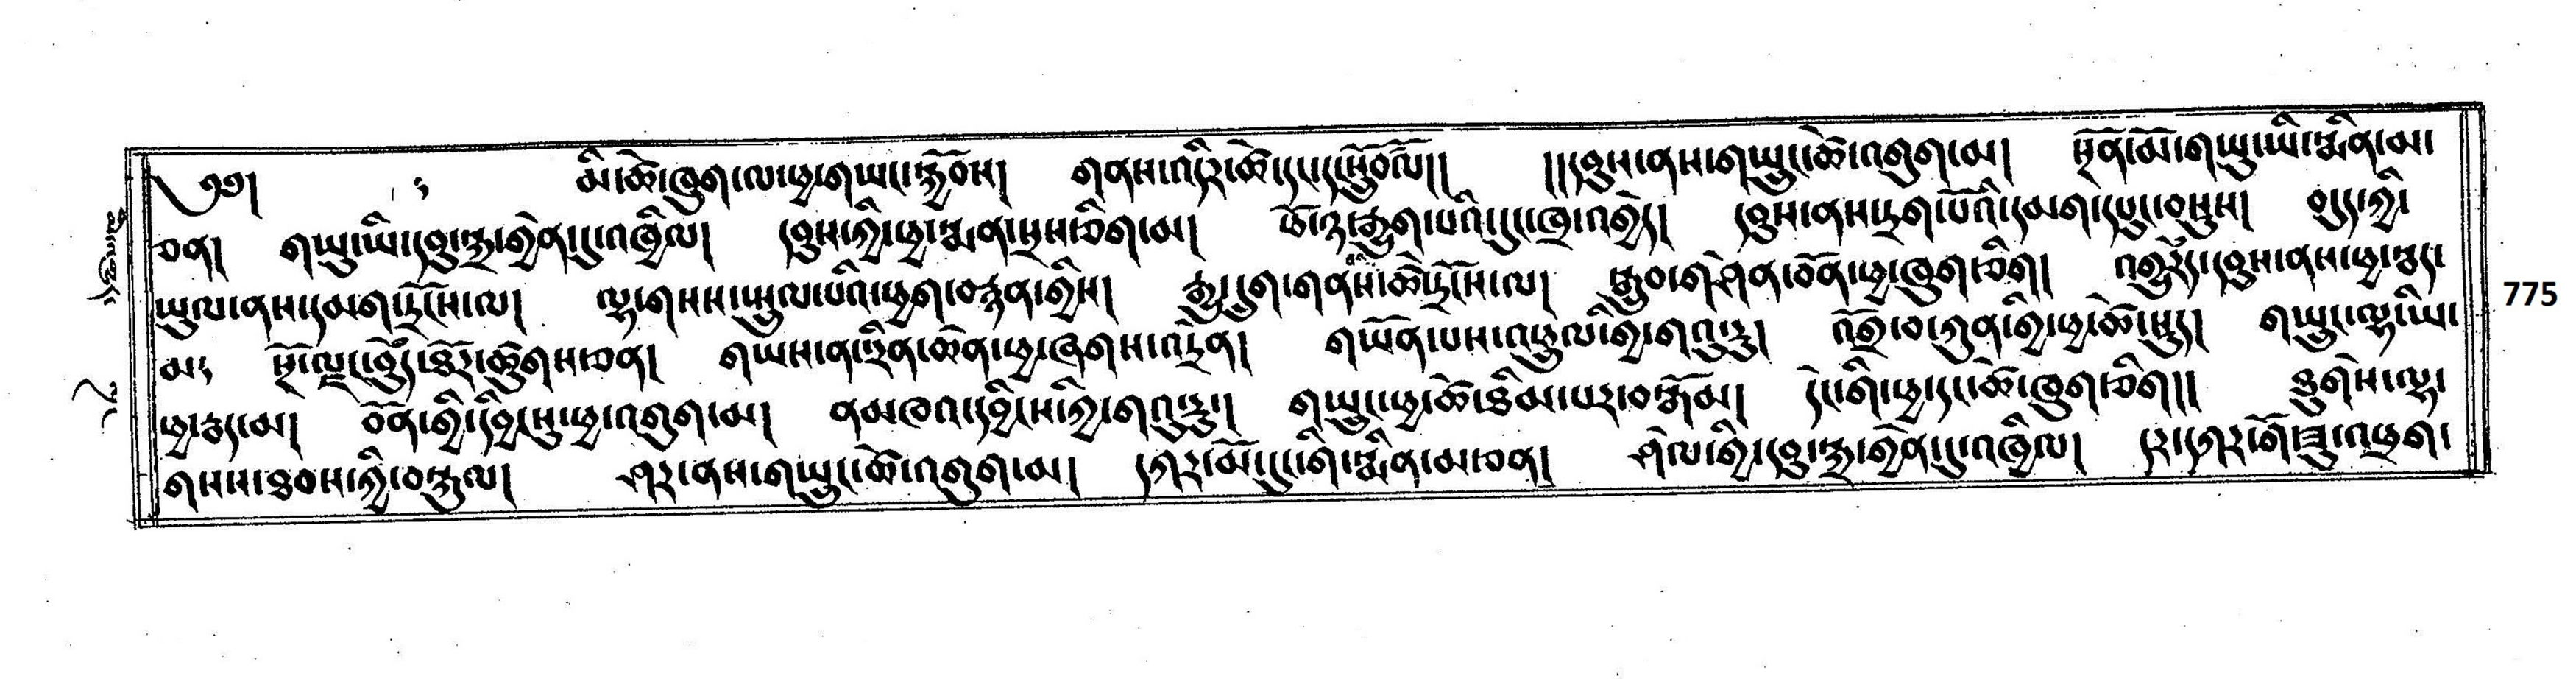མི་ཚེ་ཁུག་ལ་ཕྱ་གཡང་སྐྱོབས། གནས་འདིར་ཚེ་དང་དངོས་གྲུབ་སྩོལ།། །།དབུས་ནས་གཡུང་དྲུང་ཚེ་འགུག་མ། སྔོན་མོ་གཡུ་ཡི་སྨིན་མ་
ཅན། གཡུ་ཡི་དབུ་སྐྲ་གྱེན་དུ་འཁྱིལ། དབུས་ཀྱི་ཕྱ་སྨན་སྲས་ཅིག་མ། ཕོ་ཉ་རྒྱུག་པའི་དུང་ཁྲ་འགྱེད། དབུས་ནས་དྲག་པོའི་དམག་དཔུང་བསྡུས། བདུད་ཀྱི་
ཡུལ་ནས་དམག་དྲོངས་ལ། ལྷ་གསས་སྤྲུལ་པའི་ཕྱག་བརྙན་གྱིས། རྒྱུ་དྲུག་གནས་ནས་ཚེ་དྲོངས་ལ། སྒྲུབ་གཤེན་བོན་གྱི་ཕྱ་ཁུག་ཅིག འགྱུར་མེད་དབུས་ནས་ཕྱ་སྦད་
མ། སྔོ་ལྗང་བུད་མེད་ཐོར་ཚུགས་ཅན། གཡས་ན་རིན་ཆེན་ཕྱ་ཞགས་འདྲེན། གཡོན་པས་འཕྲུལ་གྱི་གའུ་རུ། འགྲོ་བ་ཀུན་གྱི་ཕྱ་ཚེ་སྡུད། གཡུང་དྲུང་ལྷ་ཡི་
ཕྱ་རྦད་མ། བོན་གྱི་དབྱིངས་སུ་ཕྱ་འགུག་མ། ནམ་མཁའ་དབྱིངས་ཀྱི་གའུ་རུ། གཡུང་དྲུང་ཕྱ་ཚེ་ཐིམ་པར་བསྒོམ། དེང་གི་ཕྱ་དང་ཚེ་ཁུག་ཅིག །། ཐུགས་རྗེ་ལྷ་
གསས་ཐབས་ཀྱིས་བསྐུལ། ཤར་ནས་གཡུང་དྲུང་ཚེ་འགུག་མ། དཀར་མོ་དུང་གི་སྨིན་མ་ཅན། ཤེལ་གྱི་དབུ་སྐྲ་གྱེན་དུ་འཁྱིལ། དར་དཀར་གོ་ཟུ་འཕྲག་